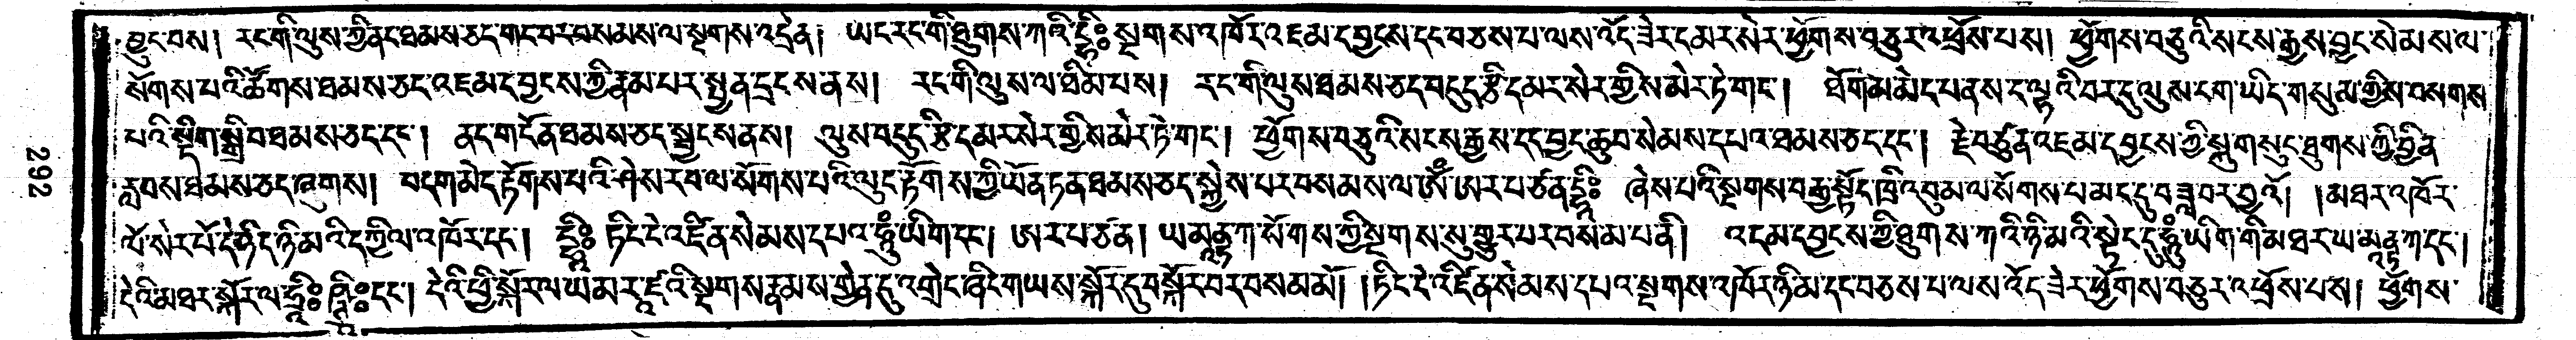བྱུང་བས། རང་གི་ལུས་ཀྱི་ནང་ཐམས་ཅད་གང་བར་བསམས་ལ་སྔགས་འདྲེན། ཡང་རང་གི་ཐུགས་ཀའི་དྷིཿ སྔགས་འཁོར་འཇམ་དབྱངས་དང་བཅས་པ་ལས་འོད་ཟེར་དམར་སེར་ཕྱོགས་བཅུར་འཕྲོས་པས། ཕྱོགས་བཅུའི་སངས་རྒྱས་བྱང་སེམས་ལ་
སོགས་པའི་ཚོགས་ཐམས་ཅད་འཇམ་དབྱངས་ཀྱི་རྣམ་པར་སྤྱན་དྲངས་ནས། རང་གི་ལུས་ལ་ཐིམ་པས། རང་གི་ལུས་ཐམས་ཅད་བདུད་རྩི་དམར་སེར་གྱིས་མེར་ཏེ་གང་། ཐོག་མ་མེད་པ་ནས་ད་ལྟའི་བར་དུ་ལུས་ངག་ཡིད་གསུམ་གྱིས་བསགས་
པའི་སྡིག་སྒྲིབ་ཐམས་ཅད་དང་། ནད་གདོན་ཐམས་ཅད་སྦྱངས་ནས། ལུས་བདུད་རྩི་དམར་སེར་གྱིས་མེར་ཏེ་གང་། ཕྱོགས་བཅུའི་སངས་རྒྱས་དང་བྱང་ཆུབ་སེམས་དཔའ་ཐམས་ཅད་དང་། རྗེ་བཙུན་འཇམ་དབྱངས་ཀྱི་སྐུ་གསུང་ཐུགས་ཀྱི་བྱིན་
རླབས་ཐམས་ཅད་ཞུགས། བདག་མེད་རྟོགས་པའི་ཤེས་རབ་ལ་སོགས་པའི་ལུང་རྟོགས་ཀྱི་ཡོན་ཏན་ཐམས་ཅད་སྐྱེས་པར་བསམས་ལ་ཨོཾ་ཨ་ར་པ་ཙ་ན་དྷཱིཿ ཞེས་པའི་སྔགས་བརྒྱ་སྟོང་ཁྲི་འབུམ་ལ་སོགས་པ་མང་དུ་བཟླ་བར་བྱའོ། །མཐར་འཁོར་
ལོ་སེར་པོ་དེ་ཉིད་ཉི་མའི་དཀྱིལ་འཁོར་དང་། དྷཱིཿ ཏིང་ངེ་འཛིན་སེམས་དཔའ་ཧཱུཾ་ཡིག་དང་། ཨ་ར་པ་ཙ་ན། ཡ་མཱནྟ་ཀ་སོགས་ཀྱི་སྔགས་སུ་གྱུར་པར་བསམ་པ་ནི། འཇམ་དབྱངས་ཀྱི་ཐུགས་ཀའི་ཉི་མའི་སྟེང་དུ་ཧཱུཾ་ཡིག་གི་མཐར་ཡ་མཱནྟ་ཀ་དང་།
དེའི་མཐར་སྐོར་ལ་ཧྲཱིཿ ཥྚྲཱིཿ དང་། དེའི་ཕྱི་སྐོར་ལ་ཡ་མ་རཱ་ཛའི་སྔགས་རྣམས་གྱེན་དུ་འགྲེང་ཞིང་གཡས་སྐོར་དུ་བསྐོར་བར་བསམ་མོ། །ཏིང་ངེ་འཛིན་སེམས་དཔའ་སྔགས་འཁོར་ཉི་མ་དང་བཅས་པ་ལས་འོད་ཟེར་ཕྱོགས་བཅུར་འཕྲོས་པས། ཕྱོགས་